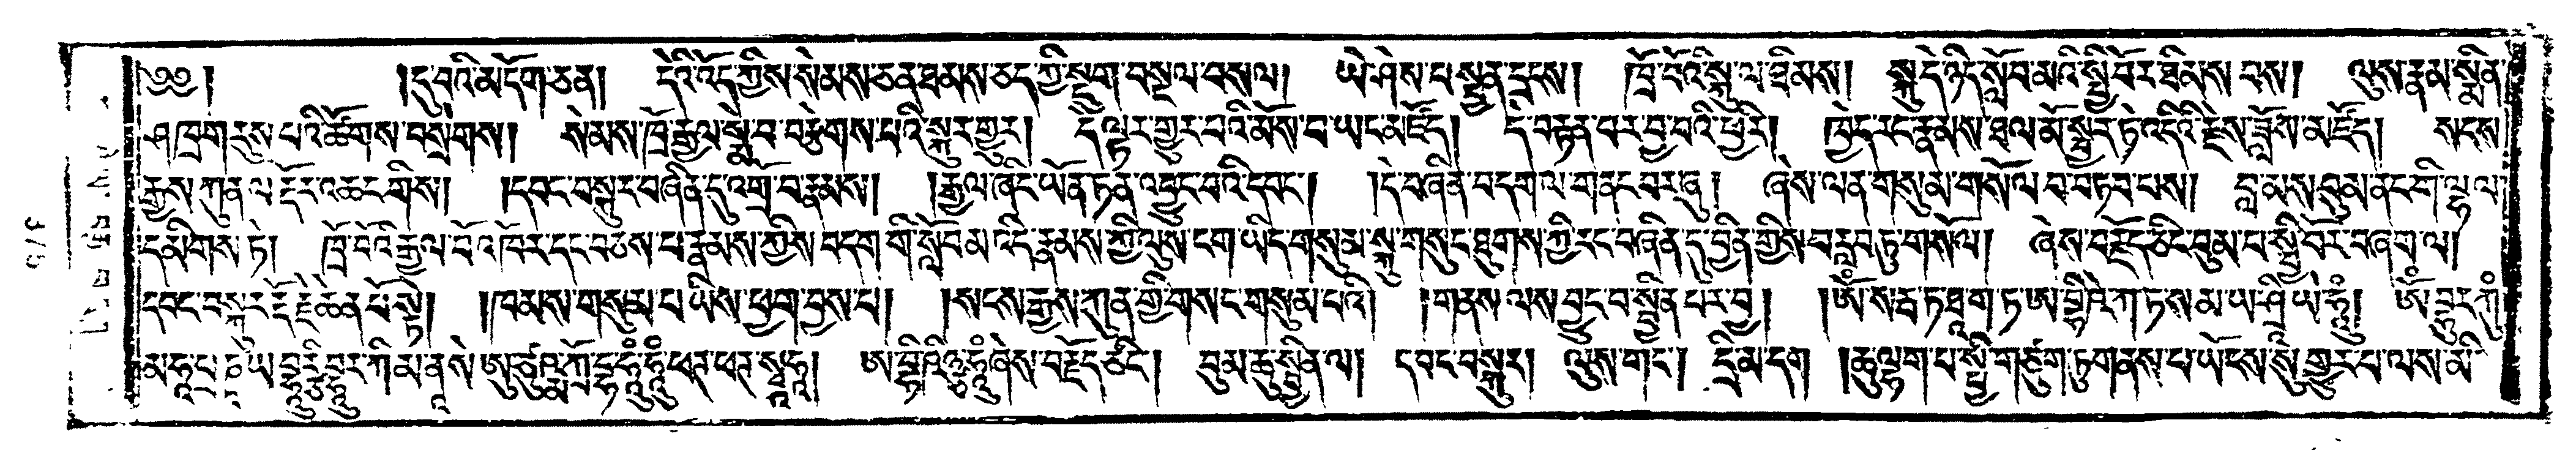༄༅། །དུ་བའི་མདོག་ཅན། །དེའི་འོད་ཀྱིས་སེམས་ཅན་ཐམས་ཅད་ཀྱི་སྡུག་བསྔལ་བསལ། ཡེ་ཤེས་པ་སྤྱན་དྲངས། །ཁྲོ་བོའི་སྐུ་ལ་ཐིམས། །སྐུ་དེ་ཉིད་སློབ་མའི་སྤྱི་བོར་ཐིམས་པས། །ལུས་རྣམ་སྨིན་
ཤ་ཁྲག་རུས་པའི་ཚོགས་བསྲེགས། །སེམས་ཁྲོ་རྒྱལ་སྨེ་བ་བརྩེགས་པའི་སྐུར་གྱུར། །དེ་ལྟར་གྱུར་པའི་མོས་པ་ཡང་བརྫོད། །དེ་བརྟན་པར་བྱ་པའི་ཕྱིར། །ཀྱེད་རང་རྣམས་ཐལ་མི་སྦྱར་ཏེ་འདིའ་རྗེས་ཟློས་མཛོད། སངས་
རྒྱས་ཀུན་ལ་རྡོར་འཆང་གིས། །དབང་བསྐུར་བཞིན་དུ་འགྲོ་བ་རྣམས། །རྒྱལ་ཞིང་ཡོན་ཏན་འབྱུང་པའི་དབང་། །དེ་བཞིན་བདག་ལ་གནང་བར་ཞུ། ཞེས་ལན་གསུམ་གསོལ་བ་བཏབ་བས། །བླ་མས་བུམ་ནང་གི་ལྷ་ལ་
དམིགས་ཏེ། ཁྲོ་བོའི་རྒྱལ་བོ་འཁོར་དང་བཅས་པ་རྣམས་ཀྱིས་བདག་གི་སློབ་མ་འདི་རྣམས་ཀྱི་ལུས་ངག་ཡིད་གསུམ་སྐུ་གསུང་ཐུགས་ཀྱི་རང་བཞིན་དུ་བྱིན་གྱིས་བརླབ་ཏུ་གསོལ། །ཞེས་བརྗོད་ཅིང་བུམ་པ་སྤྱི་བོར་བཞག་ལ།
དབང་བསྐུར་རྡོ་རྗེ་ཆེན་པོ་སྟེ། །ཁམས་གསུམ་པ་ཡིས་ཕྱག་བྱས་པ། །སངས་རྒྱས་ཀུན་གྱི་གསང་གསུམ་པའི། །གནས་ལས་བྱུང་བ་སྦྱིན་པར་བྱ། །ཨོཾ་སརྦ་ཏ་ཐཱ་ག་ཏ་ཨ་བྷི་ཥེ་ཀ་ཏ་ས་མ་ཡ་ཤྲཱི་ཡེ་ཧཱུཾ། ཨོཾ་བྷུར་ཀུཾ་
མ་ཧཱ་པྲ་ཎཱ་ཡ་བྷཱུརྩི་བྷཱུར་ཀི་མ་ནཱ་སེ་ཨུ་ཙུཥམ་ཀྲོ་དྷ་ཧཱུཾ་ཧཱུཾ་ཕཊ་ཕཊ་སྭཱ་ཧཱ། ཨ་བྷི་ཥིཉྩ་ཧཱུཾ་ཞེས་བརྗོད་ཅིང་། །བུམ་ཆུ་སྦྱིན་ལ། དབང་བསྐུར། །ལུས་གང་། །དྲི་མ་དག །ཆུ་ལྷག་པ་སྤྱི་གཙུག་ཏུ་གནས་པ་ཡོངས་སུ་གྱུར་པ་ལས་མི་